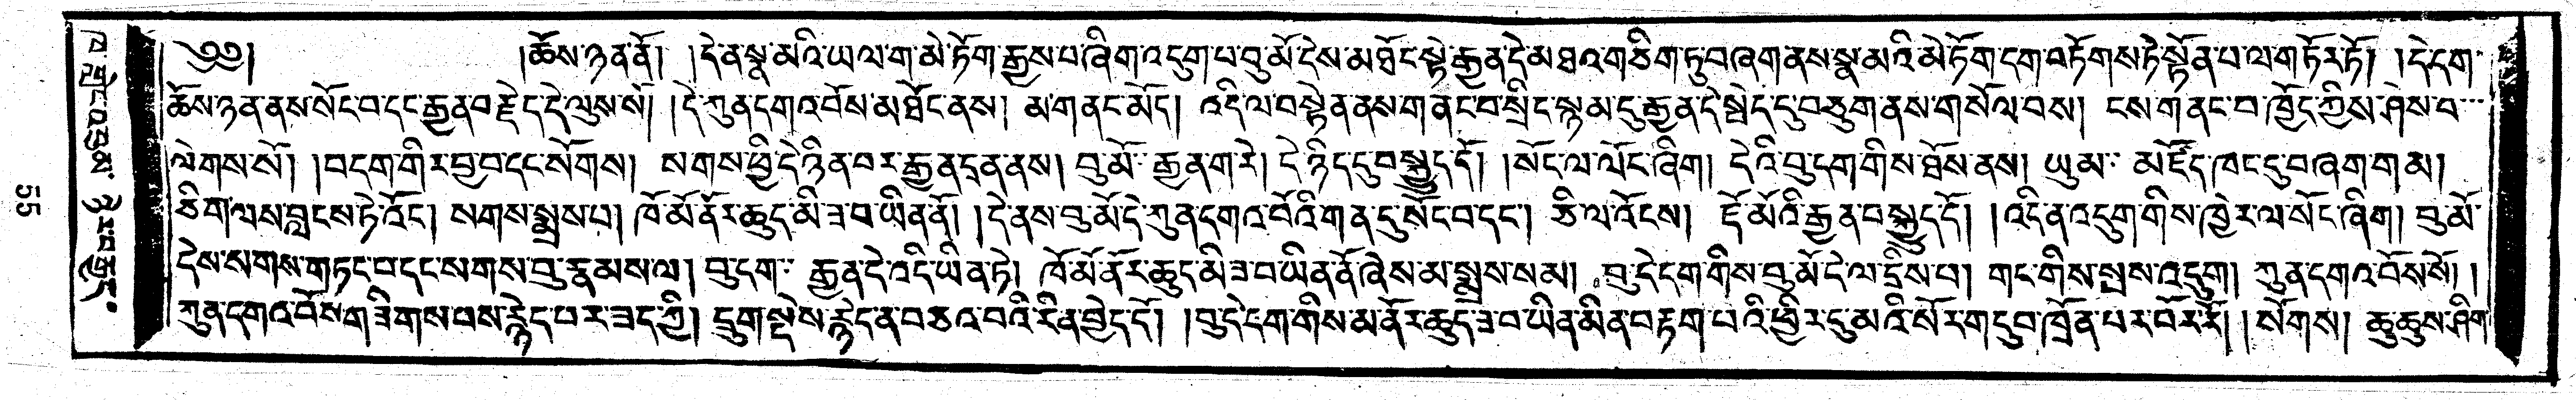༄༅། །ཆོས་ཉན་ནོ། །དེ་ན་སྣ་མའི་ཡལ་ག་མེ་ཏོག་རྒྱས་པ་ཞིག་འདུག་པ་བུ་མོ་དེས་མཐོང་སྟེ་རྒྱན་དེ་མཐའ་གཅིག་ཏུ་བཞག་ནས་སྣ་མའི་མེ་ཏོག་དག་བཏོགས་ཏེ་སྟོན་པ་ལ་གཏོར་ཏོ། །དེ་དག་
ཆོས་ཉན་ནས་སོང་བ་དང་རྒྱན་བརྗེད་དེ་ལུས་སོ། །དེ་ཀུན་དགའ་བོས་མཐོང་ནས། མ་གནང་མོད། འདི་ལ་བསྟེན་ནས་གནང་བ་སྲིད་སྙམ་དུ་རྒྱན་དེ་སྦེད་དུ་བཅུག་ནས་གསོལ་བས། ངས་གནང་བ་ཁྱོད་ཀྱིས་ཤེས་པ་
ལེགས་སོ། །བདག་གིར་བྱ་བ་དང་སོགས། སགས་ཕྱི་དེ་ཉིན་པར་རྒྱན་དྲན་ནས། བུ་མོ༑ རྒྱན་ག་རེ། དེ་ཉིད་དུ་བསྐྱུད་དོ། །སོང་ལ་ལོང་ཞིག། དེའི་བུ་དག་གིས་ཐོས་ནས། ཡུམ༑ མཛོད་ཁང་དུ་བཞག་གམ།
ཅིག་ལས་བླངས་ཏེ་འོང་། སགས་སྨྲས་པ། ཁོ་མོ་ནོར་ཆུད་མི་ཟ་བ་ཡིན་ནོ། །དེ་ནས་བུ་མོ་དེ་ཀུན་དགའ་བོའི་གན་དུ་སོང་བ་དང་། ཅི་ལ་འོངས། ཇོ་མོའི་རྒྱན་བསྐྱུད་དོ། །འདི་ན་འདུག་གིས་ཁྱེར་ལ་སོང་ཞིག། བུ་མོ་
དེས་སགས་གཏང་པ་དང་སགས་བུ་རྣམས་ལ། བུ་དག༑ རྒྱན་དེ་འདི་ཡིན་ཏེ། ཁོ་མོ་ནོར་ཆུད་མི་ཟ་བ་ཡིན་ནོ་ཞེས་མ་སྨྲས་སམ། བུ་དེ་དག་གིས་བུ་མོ་དེ་ལ་དྲིས་པ། གང་གིས་སྤས་འདུག། ཀུན་དགའ་བོས་སོ། །
ཀུན་དགའ་བོས་གཟིགས་པས་རྙེད་པར་ཟད་ཀྱི། དྲུག་སྡེས་རྙེད་ན་བཅའ་བའི་རིན་བྱེད་དོ། །བུ་དེ་དག་གིས་མ་ནོར་ཆུད་ཟ་བ་ཡིན་མིན་བརྟག་པའི་ཕྱིར་དུ་མའི་སོར་གདུབ་ཁྲོན་པར་བོར་རོ། །སོགས། ཆུ་ཆུས་ཤིག་